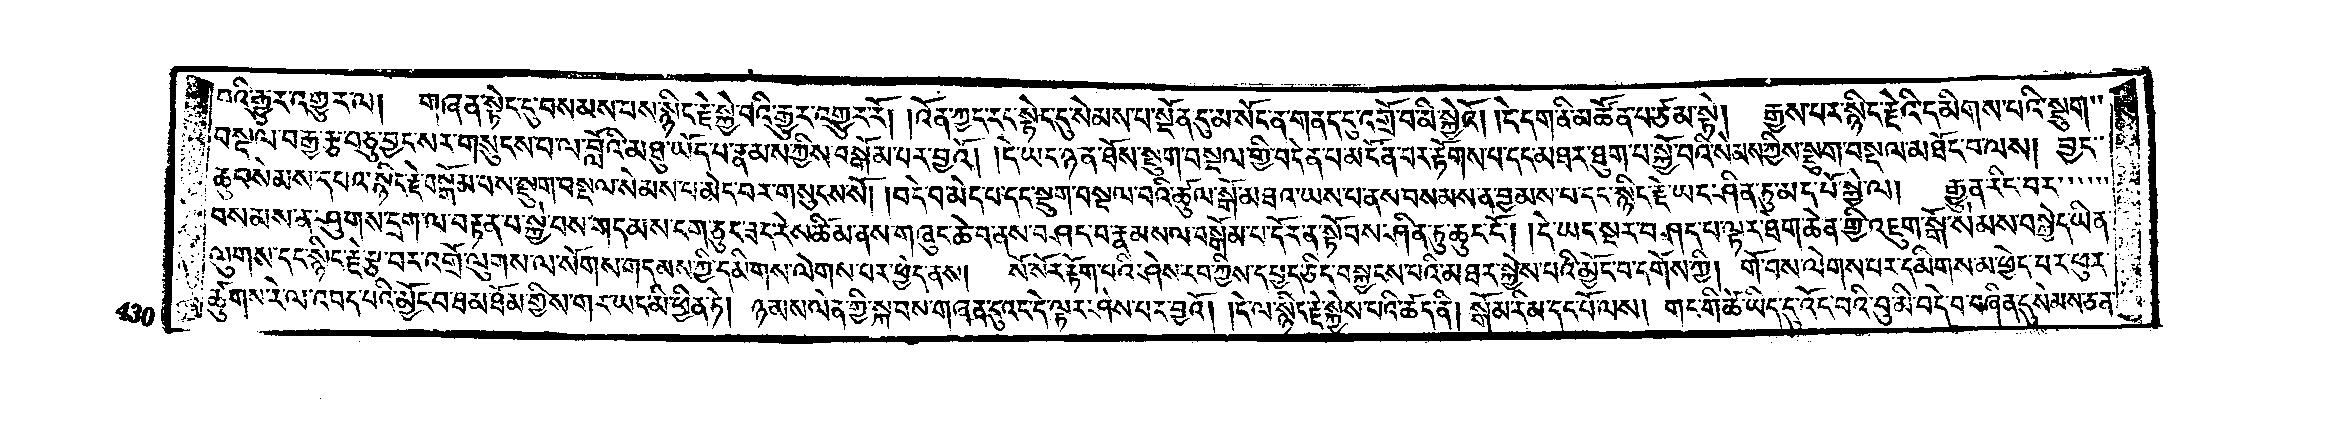བའི་རྒྱུར་འགྱུར་ལ། གཞན་སྟེང་དུ་བསམས་པས་སྙིང་རྗེ་སྐྱེ་བའི་རྒྱུར་འགྱུར་རོ། །འོན་ཀྱང་རང་སྟེང་དུ་སེམས་པ་སྔོན་དུ་མ་སོང་ན་གནད་དུ་འགྲོ་བ་མི་སྐྱེའོ། །དེ་དག་ནི་མཚོན་བ་ཙམ་སྟེ། རྒྱས་པར་སྙིང་རྗེའི་དམིགས་པའི་སྡུག་
བསྔལ་བརྒྱ་རྩ་བཅུ་བྱང་སར་གསུངས་པ་ལ་བློའི་མཐུ་ཡོད་པ་རྣམས་ཀྱིས་བསྒོམ་པར་བྱའོ། །དེ་ཡང་ཉན་ཐོས་སྡུག་བསྔལ་གྱི་བདེན་པ་མངོན་པར་རྟོགས་པ་དང་མཐར་ཐུག་པ་སྐྱོ་བའི་སེམས་ཀྱིས་སྡུག་བསྔལ་མཐོང་བ་ལས། བྱང་
ཆུབ་སེམས་དཔའ་སྙིང་རྗེ་བསྒོམ་པས་སྡུག་བསྔལ་སེམས་པ་མང་བར་གསུངས་སོ། །བདེ་བ་མེད་པ་དང་སྡུག་བསྔལ་བའི་ཚུལ་སྒོ་མཐའ་ཡས་པ་ནས་བསམས་ན་བྱམས་པ་དང་སྙིང་རྗེ་ཡང་ཤིན་ཏུ་མང་པོ་སྐྱེ་ལ། རྒྱུན་རིང་བར་
བསམས་ན་ཤུགས་དྲག་ལ་བརྟན་པ་སྐྱེ་བས་གདམས་ངག་ཅུང་ཟད་རེས་ཚིམ་ནས་གཞུང་ཆེ་བ་ནས་བཤད་པ་རྣམས་ལ་བསྒོམ་པ་དོར་ན་སྟོབས་ཤིན་ཏུ་ཆུང་ངོ། །དེ་ཡང་སྔར་བཤད་པ་ལྟར་ཐེག་ཆེན་གྱི་འཇུག་སྒོ་སེམས་བསྐྱེད་ཡིན་
ལུགས་དང་སྙིང་རྗེ་རྩ་བར་འགྲོ་ལུགས་ལ་སོགས་པ་རྣམས་ཀྱི་དམིགས་ལེགས་པར་ཕྱེད་ནས། སོ་སོར་རྟོག་པའི་ཤེས་རབ་ཀྱིས་དཔྱད་ཅིང་བསྐྱངས་པའི་མཐར་སྐྱེས་པའི་མྱོང་བ་དགོས་ཀྱི། གོ་བས་ལེགས་པར་དམིགས་མ་ཕྱེད་པར་ཕུར་
ཚུགས་རེ་ལ་འབད་བའི་མྱོང་བ་ཐམ་ཐོམ་གྱིས་གར་ཡང་མི་ཕྱིན་ཏེ། ཉམས་ལེན་གྱི་སྐབས་གཞན་དུའང་དེ་ལྟར་ཤེས་པར་བྱའོ། །དེ་ལ་སྙིང་རྗེ་སྐྱེས་པའི་ཚད་ནི། སྒོམ་རིམ་དང་པོ་ལས། གང་གི་ཚེ་ཡིད་དུ་འོང་བའི་བུ་མི་བདེ་བ་བཞིན་དུ་སེམས་ཅན་